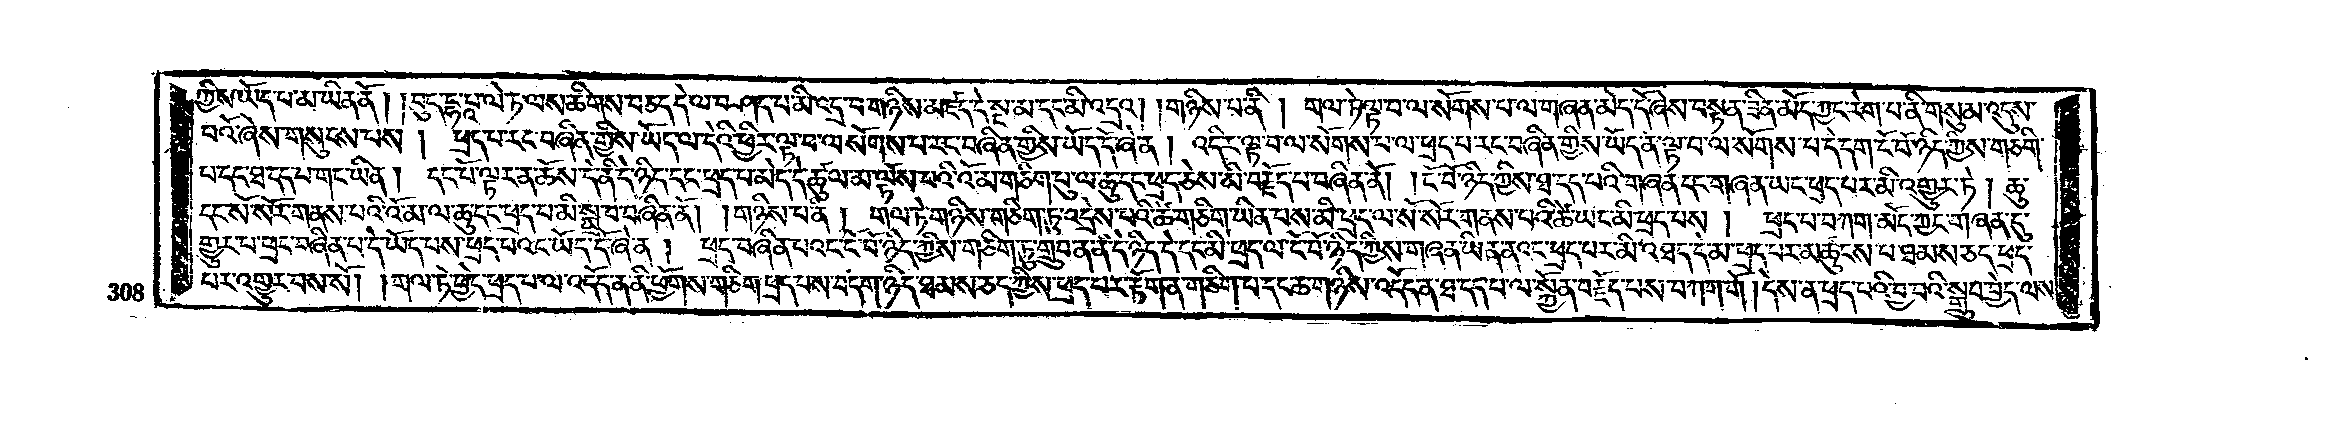ཀྱིས་ཡོད་པ་མ་ཡིན་ནོ། །བུད་དྷ་པཱ་ལི་ཏ་ལས་ཚིགས་བཅད་དེ་ལ་བཤད་པ་མི་འདྲ་བ་གཉིས་མཛད་དེ་སྔ་མ་དང་མི་འདྲའོ། །གཉིས་པ་ནི། གལ་ཏེ་ལྟ་བ་ལ་སོགས་པ་ལ་གཞན་མེད་དོ་ཞེས་བསྟན་ཟིན་མོད་ཀྱང་རེག་པ་ནི་གསུམ་འདུས་
པའོ་ཞེས་གསུངས་པས། ཕྲད་པ་རང་བཞིན་གྱིས་ཡོད་ལ་དེའི་ཕྱིར་ལྟ་བ་ལ་སོགས་པ་རང་བཞིན་གྱིས་ཡོད་དོ་ཞེ་ན། འདིར་ལྟ་བ་ལ་སོགས་པ་ལ་ཕྲད་པ་རང་བཞིན་གྱིས་ཡོད་ན་ལྟ་བ་ལ་སོགས་པ་དེ་དག་ངོ་བོ་ཉིད་གྱིས་གཅིག་
པ་དང་ཐ་དད་པ་གང་ཡིན། དང་པོ་ལྟར་ན་ཆོས་དེ་ནི་དེ་ཉིད་དང་ཕྲད་པ་མེད་དེ་ཆུ་ལ་མ་ལྟོས་པའི་འོ་མ་གཅིག་པུ་ལ་ཆུ་དང་ཕྲད་ཅེས་མི་བརྗོད་པ་བཞིན་ནོ། །ངོ་བོ་ཉིད་ཀྱིས་ཐ་དད་པའི་གཞན་དང་གཞན་ཡང་ཕྲད་པར་མི་འགྱུར་ཏེ། ཆུ་
དང་སོ་སོར་གནས་པའི་འོ་མ་ལ་ཆུ་དང་ཕྲད་པ་མི་སྨྲ་བ་བཞིན་ནོ། །གཉིས་པ་ནི། གལ་ཏེ་གཉིས་གཅིག་ཏུ་འདྲེས་པའི་ཚེ་གཅིག་ཡིན་པས་མི་ཕྲད་ལ་སོ་སོར་གནས་པའི་ཚེ་ཡང་མི་ཕྲད་པས། ཕྲད་པ་བཀག་མོད་ཀྱང་གཞན་དུ་
གྱུར་པ་ཕྲད་བཞིན་པ་དེ་ཡོད་པས་ཕྲད་པའང་ཡོད་དོ་ཞེ་ན། ཕྲད་བཞིན་པའང་ངོ་བོ་ཉིད་ཀྱིས་གཅིག་ཏུ་གྲུབ་ན་ནི་དེ་ཉིད་དེ་དང་མི་ཕྲད་ལ་ངོ་བོ་ཉིད་ཀྱིས་གཞན་ཡིན་ནའང་ཕྲད་པར་མི་ཐད་དེ་མ་ཕྲད་པར་མཚུངས་པ་ཐམས་ཅད་ཕྲད་
པར་འགྱུར་བས་སོ། །གལ་ཏེ་ཕྱེད་ཕྲད་པ་ལ་འདོད་ན་ནི་ཕྱོགས་གཅིག་ཕྲད་པས་བདག་ཉིད་ཐམས་ཅད་ཀྱིས་ཕྲད་པར་རྟོག་ན་གཅིག་པ་དང་ཆ་གཉིས་འདོད་ན་ཐ་དད་པ་ལ་སྐྱོན་བརྗོད་པས་བཀག་གོ །དེས་ན་ཕྲད་པའི་བྱ་བའི་སྒྲུབ་བྱེད་ལས་